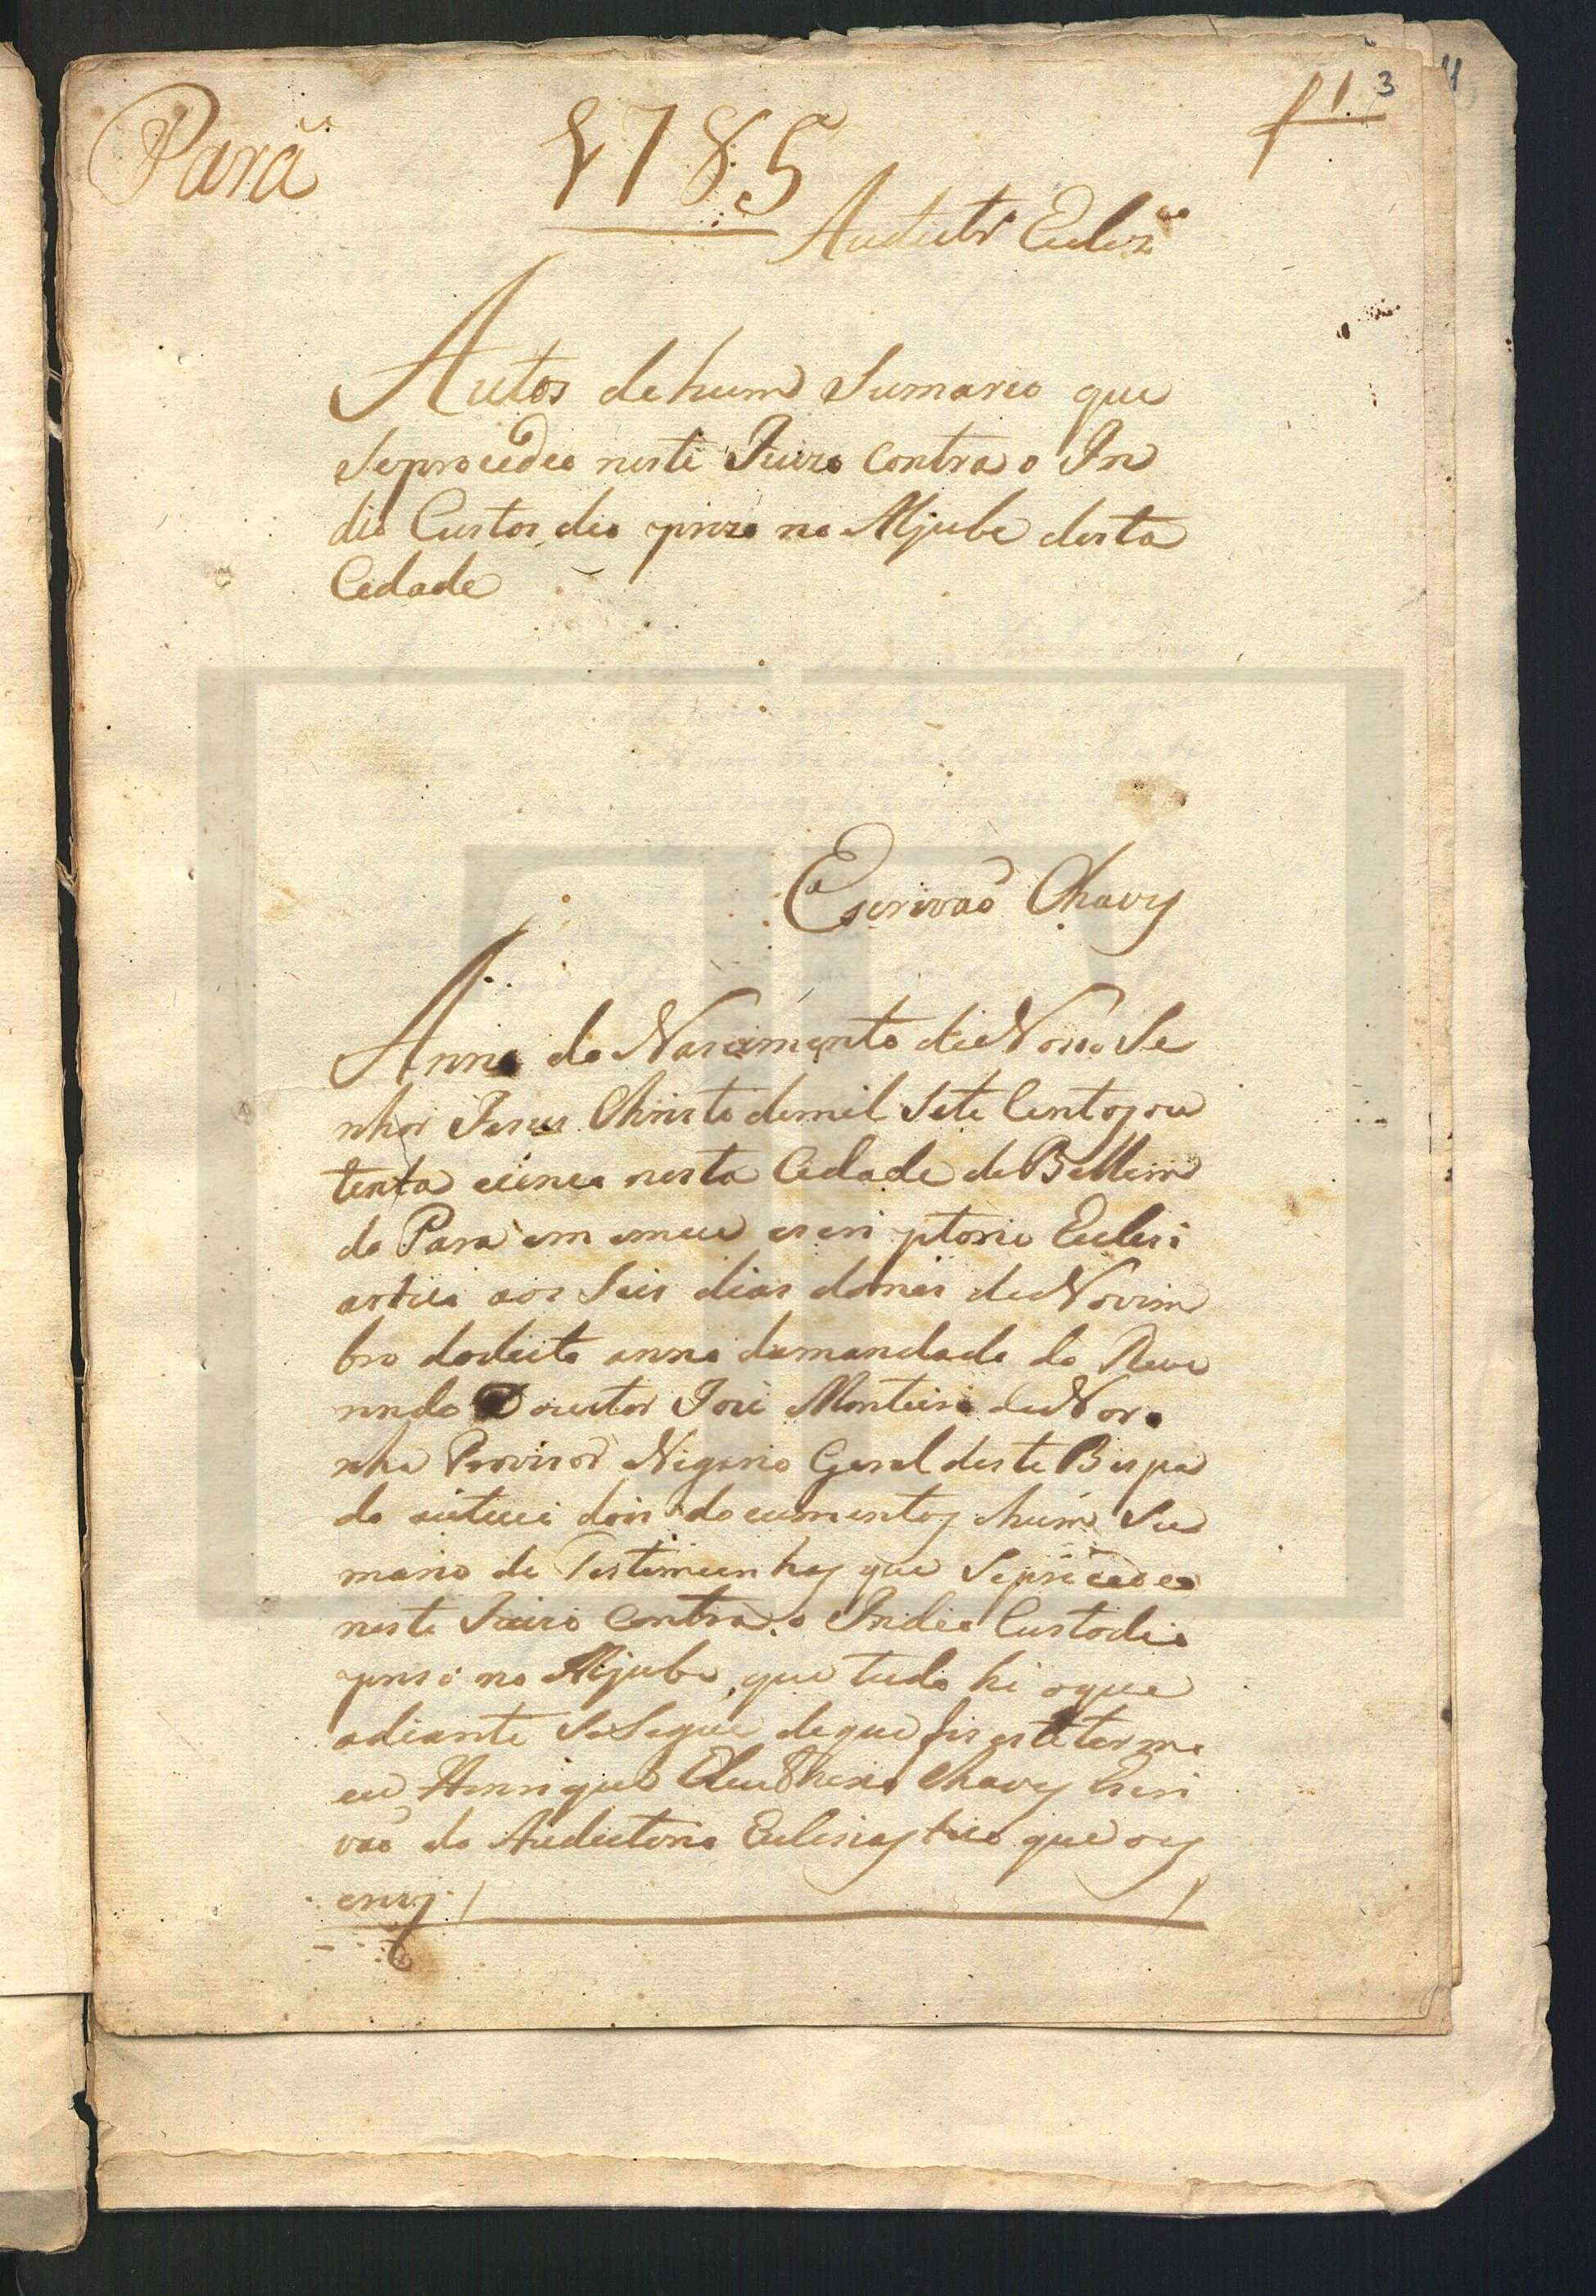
Pará
1785
Audictr.o Ecclez.co
Autos de hum sumario que
se procedeo neste Iuizo contra o In
dio Custodio prezo no Aljube desta
Cidade
Escrivaõ Chaves
Anno do Nascimento de Nossa Se
nhor Jesus Christo de mil SeteCentos ou
tenta e cinco nesta Cidade de Bellem
do Pará em meu escriptorio Ecclezi
astico aos seis dias do mes de Novem
bro do dicto anno do mandado do Reve
rendo Doutor Iozé Monteiro de Noro
nha Provisor Vigario Geral deste Bispa
do autuei dois documentos hum Su
mario de Testemunhas que Se precedeo
neste Iuizo contra o Indio Custodio
preso no Aljube, que tudo hé o que
adiante Se Segue de que fiz este termo
eu Henrique Eleutherio Chaves Escri
vaõ do Audictorio Ecclesiastico que o es
crevj.
